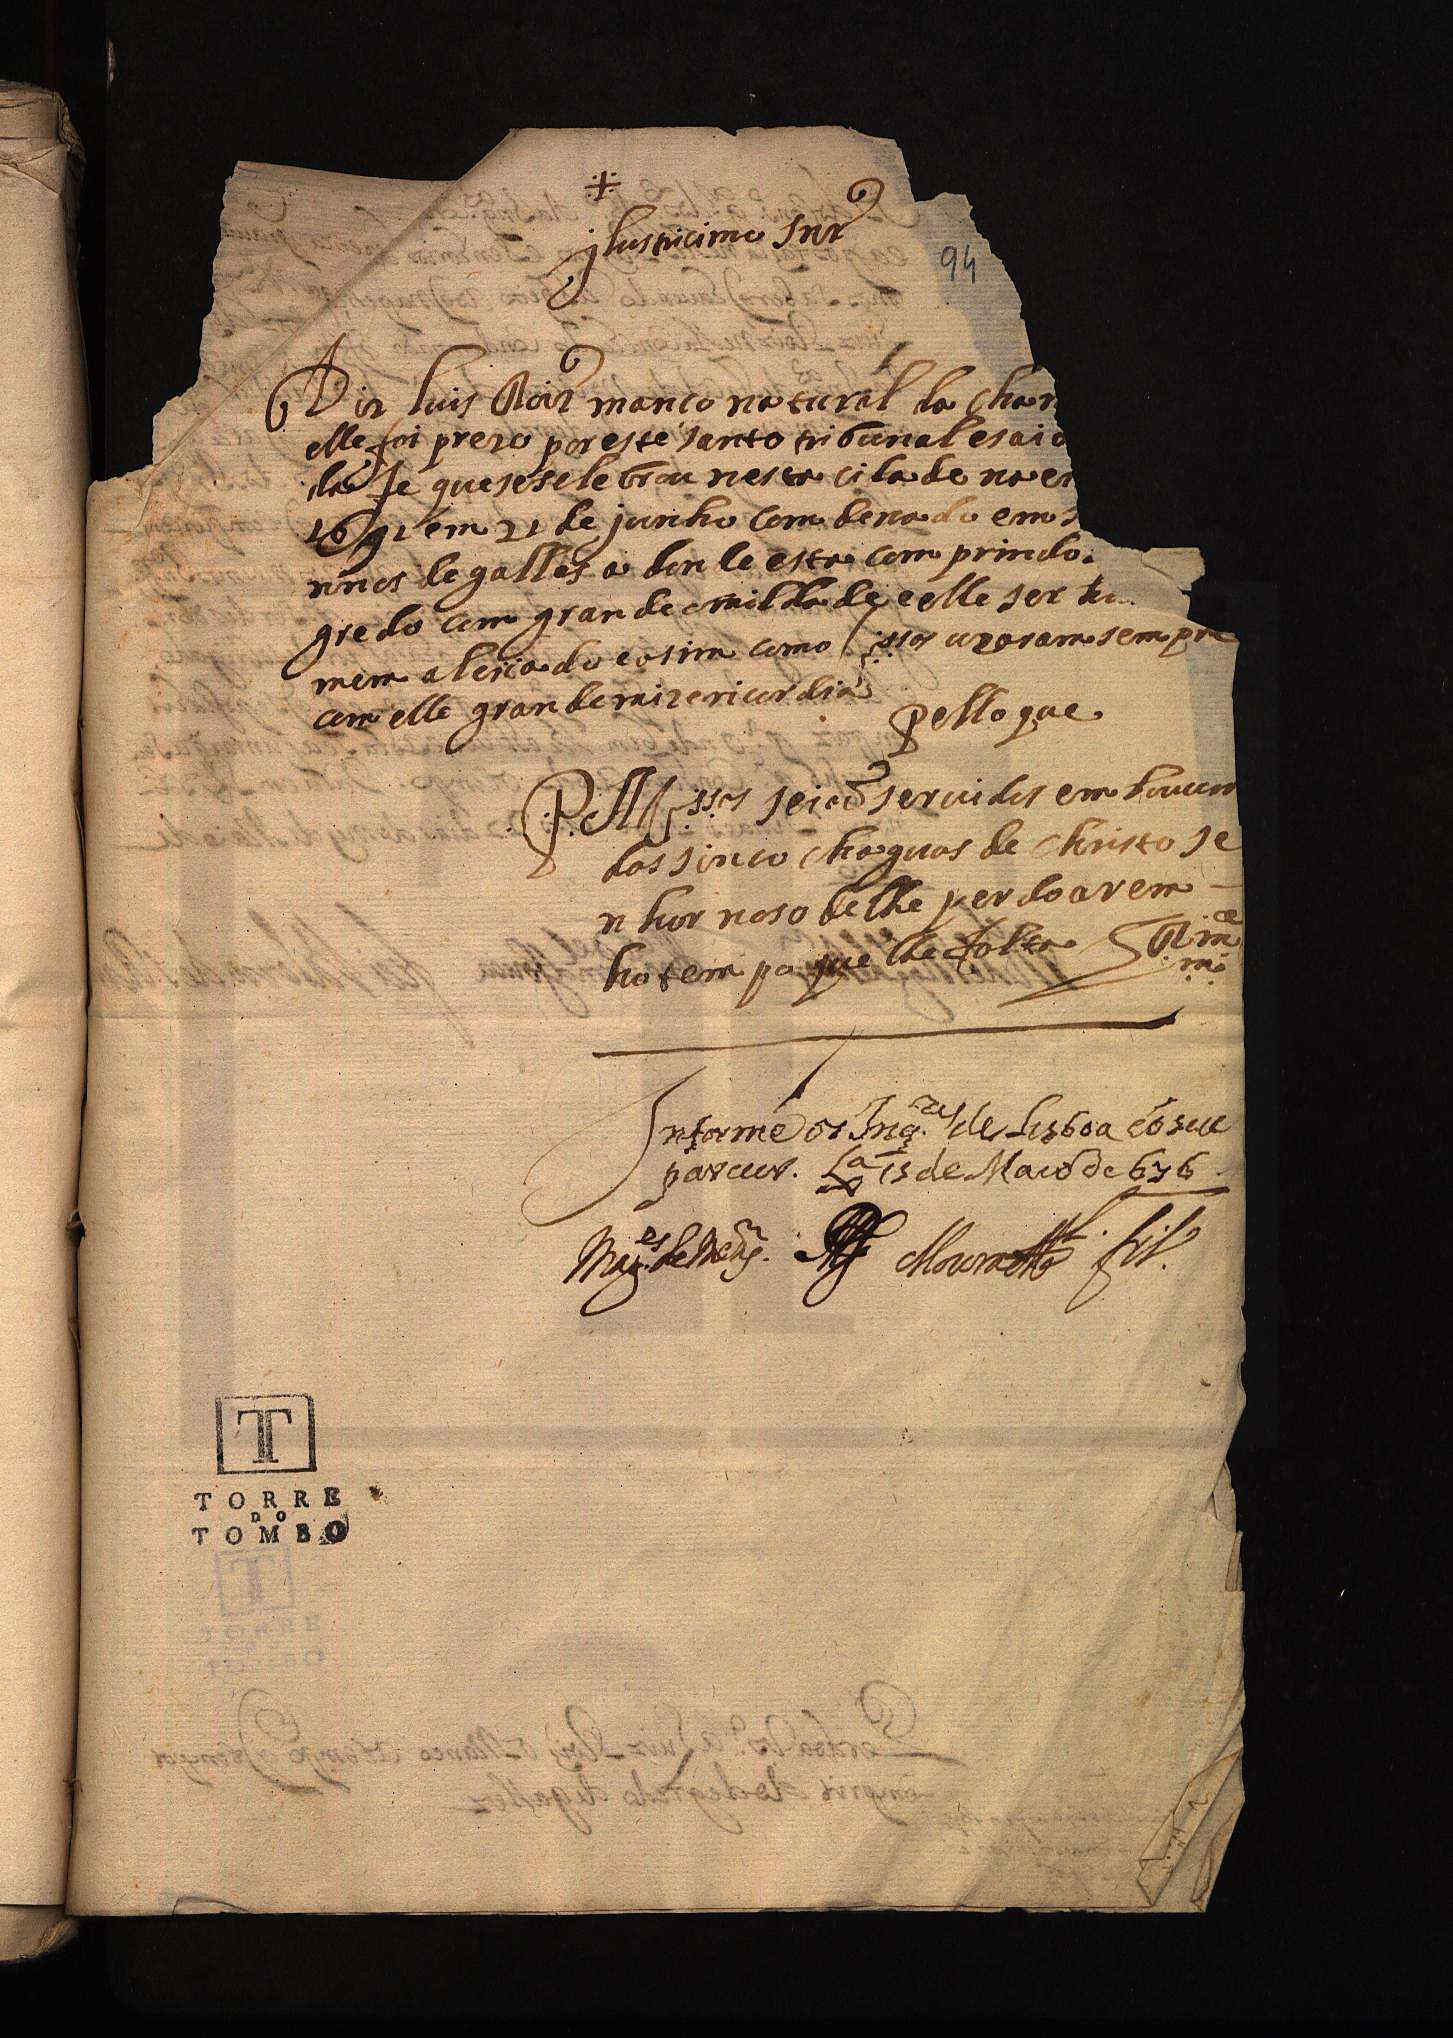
jlustricimo snr̄
Diz luis Roiz̄ manço natural da Cha
elle foi prezo por este santo tribunal e saio
da fé que se selebrou nesta cidade na e_
1691 em 21 de junho comdenado em
nnos de galles adonde esta comprindo
gredo com grande omildade e elle ser ho
mem aleiiado e asim como V.s s.as uzaram sempre
com elle grande mizericordia
pello que
P. A V.s s.as seiaõ seruidos em louuor
das sinco chaguas de Christo se
nhor noso de lhe perdoarem
ho tempo que lhe falta E R. m.ce
m
Jnformē os Inq.res de Lisboa cō seu
parecer. Lxa 15 de Maio de 676
